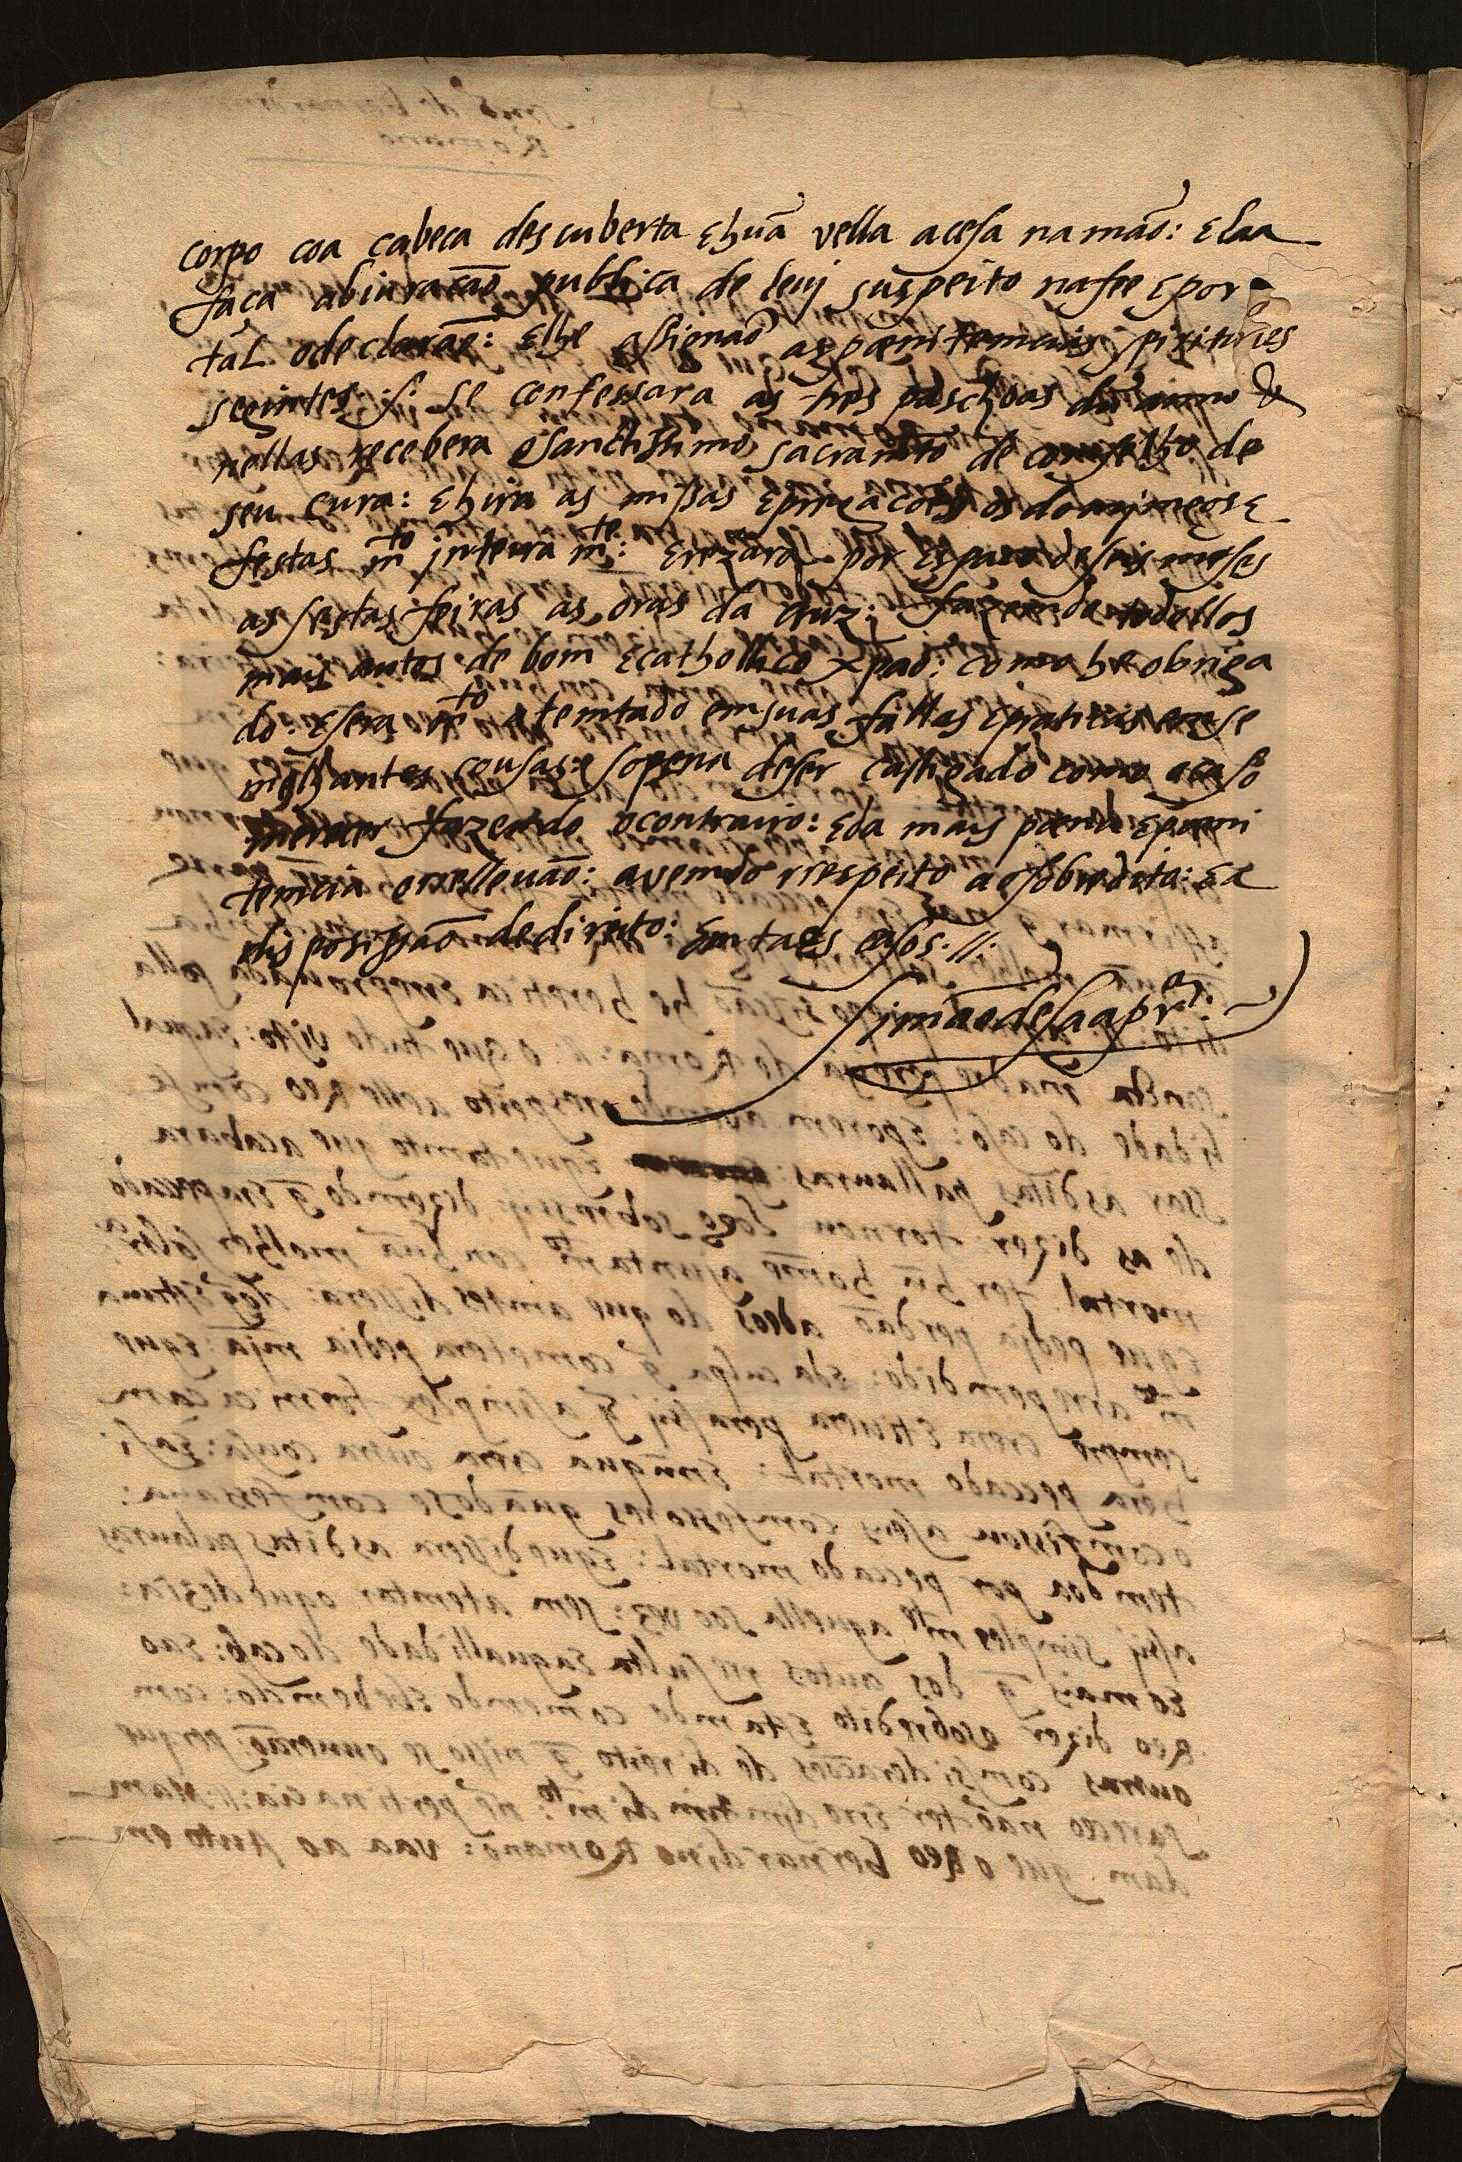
corpo coa cabeça descuberta E huā vella acesa na mão E laa
faça abiuração publica de leuj suspeito na fee E por
tal o declarão E lhe assignaõ as pœnitemcias spiritu_es
segimtes .s. se confessara as tres paschoas do anno &
nellas recebera o sanctissimo sacram̄to de conselho de
seu cura E hira as missas E pregações os domjmgos E
festas mto jnteiramte E rezara por Espaço de seis meses
as sestas feiras as oras da cruz fazemdo todollos
mais autos de bom E cathollico xpaõ como he obriga
do E sera mto atemtado em suas fallas E praticas em se
melhantes cousas so pena de ser castigado como o caso
merecer fazemdo o contrairo E da mais pœna E pœni
temcia o rrelleuão avemdo rrespeito ao sobredito E a
disposissaõ de direito Em taes casos. //
Simão de Saa pra
